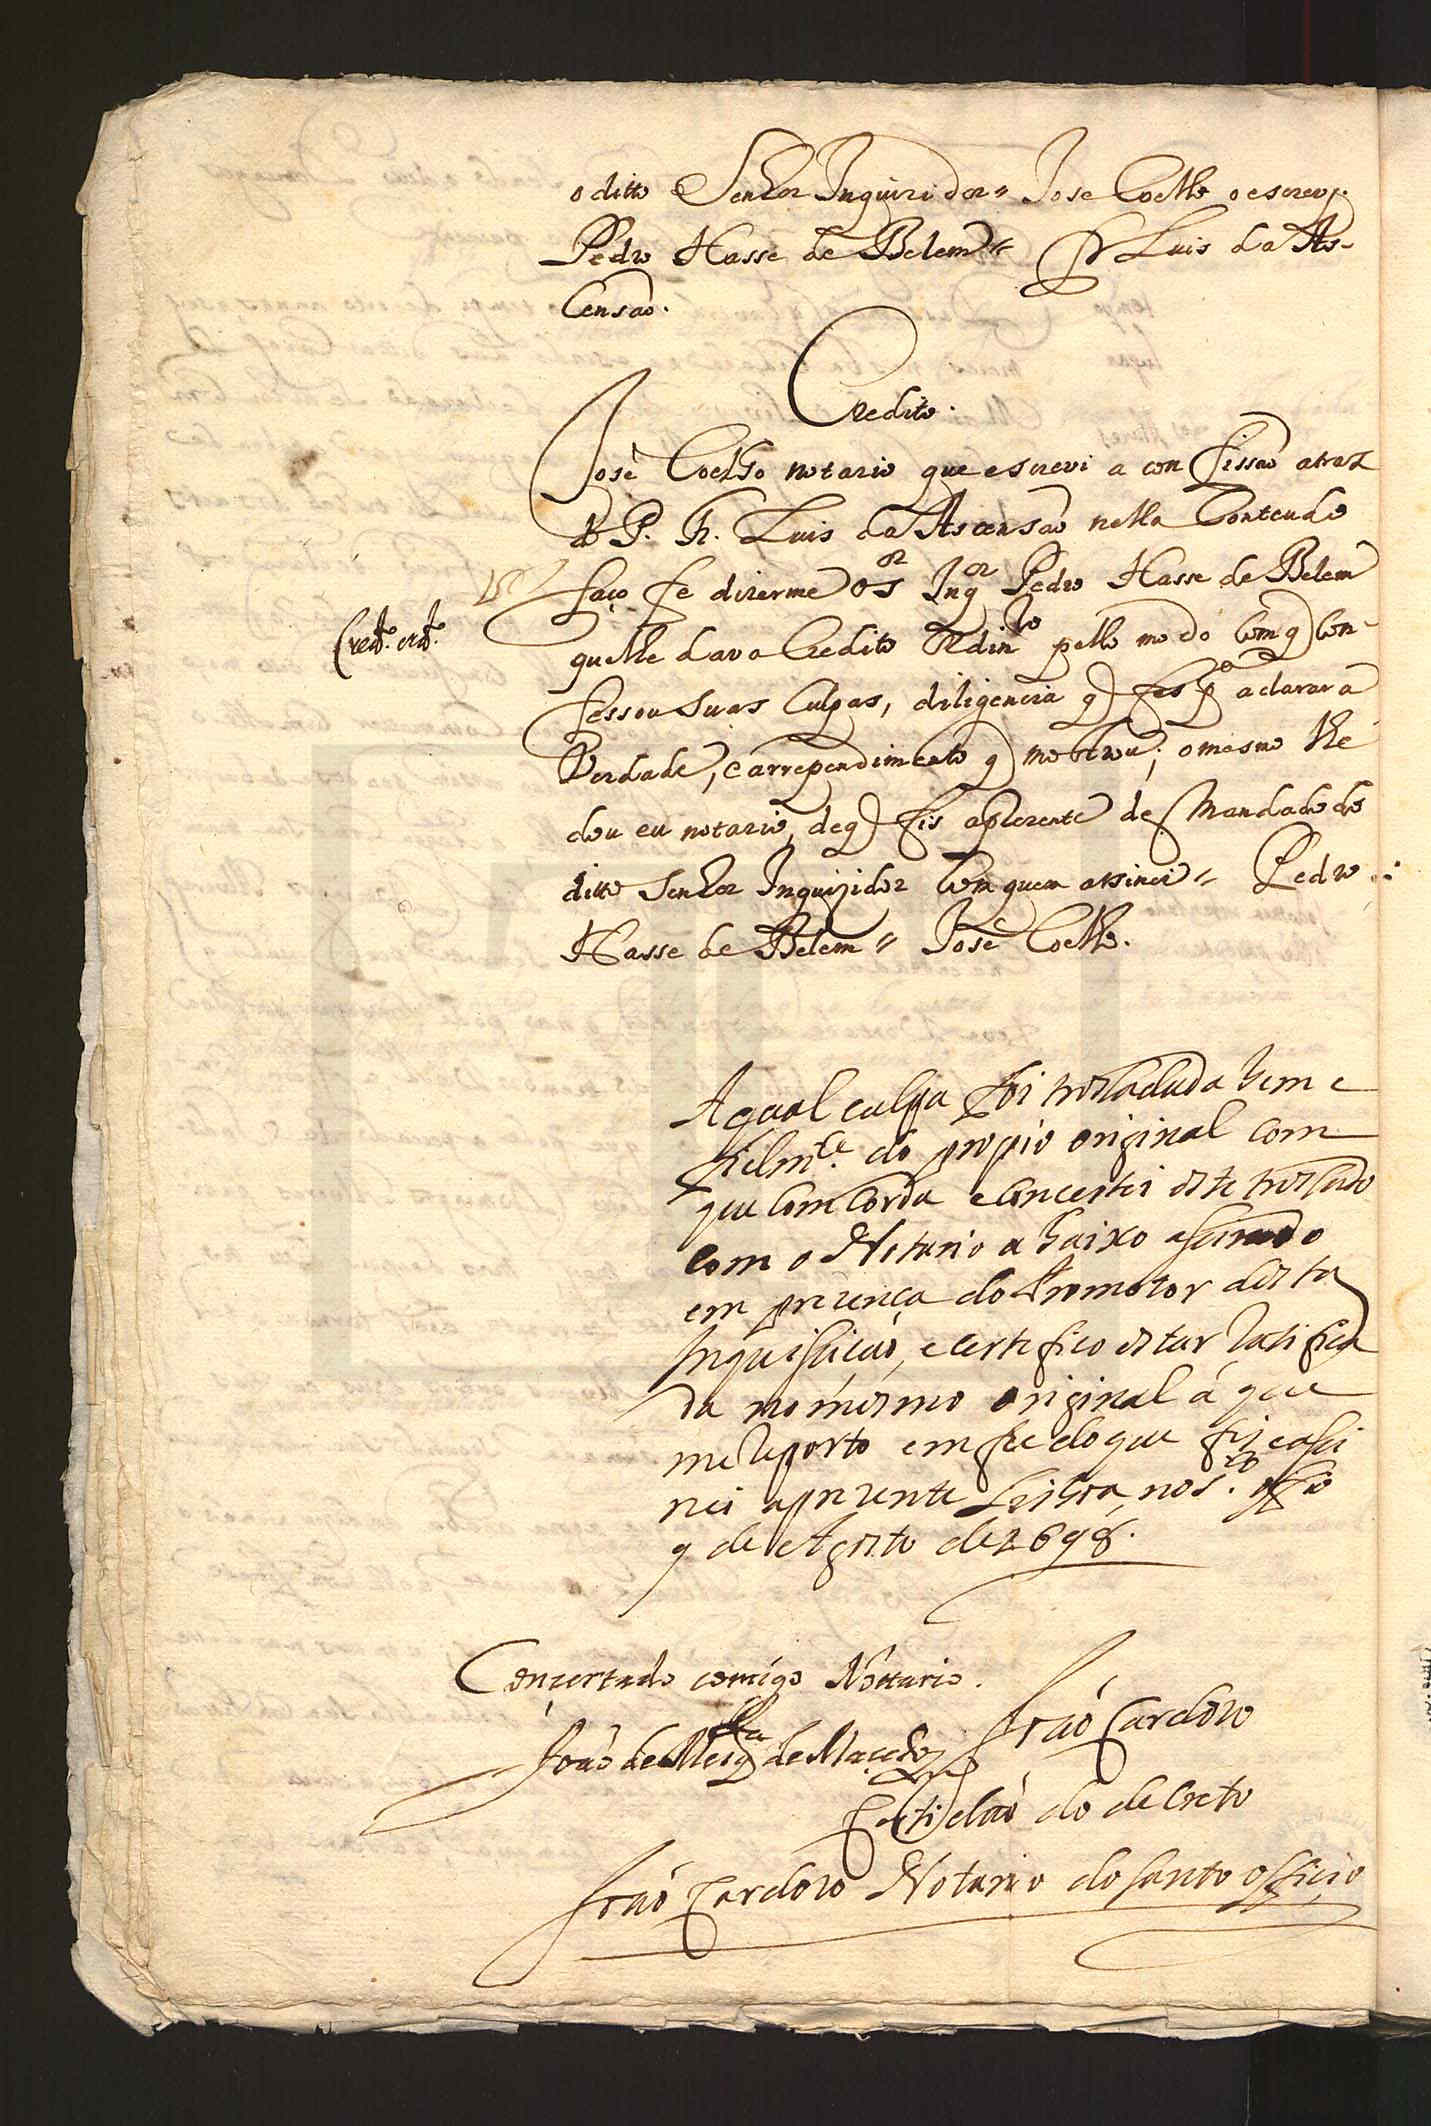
Cred̄.o ord̄.o
o ditto Senhor Inquizidor Iose Coello o escrevj.
Pedro Hasse de Belem// fr Luis da As
Censaõ.
Credito.
Jose Coelho notario que escrevi a confissaõ atraz
do P. Fr. Luis da Ascensaõ nella Conteudo
faço fe dizerme o sor Inqor Pedro Hasse de Belem
que lhe dava Credito Ordinro pello modo Com q̄ Con
fessou suas Culpas, diligencia q̄ fes pa aclarar a
Verdade, e arrependimento q̄ mostrou; o mesmo lhe
dou eu notario, de q̄ fis a pRezente de mandado do
ditto Senhor Inquizidor Com quem assinei // Pedro
Hasse de Belem // Iosé Coelho.
A qual culpa foi tresladada bem e
fielm.te do propio original com
que comcorda e concertei este treslado
com o Notario abaixo assinado
em prezença do Promotor desta
Jnquissicaõ, e certifico estar Ratifica
da no mesmo original á que
me Reporto, em fee do que fis e assi
nei a prezente Lisboa, no s.to offo
9 de Agosto de 1698.
Conçertado comigo Nottario.
Joaõ de Mesqta de Maçedo, Joaõ Cardozo
Certidaõ do decreto
Joaõ Cardozo Notario do santo offiçio
